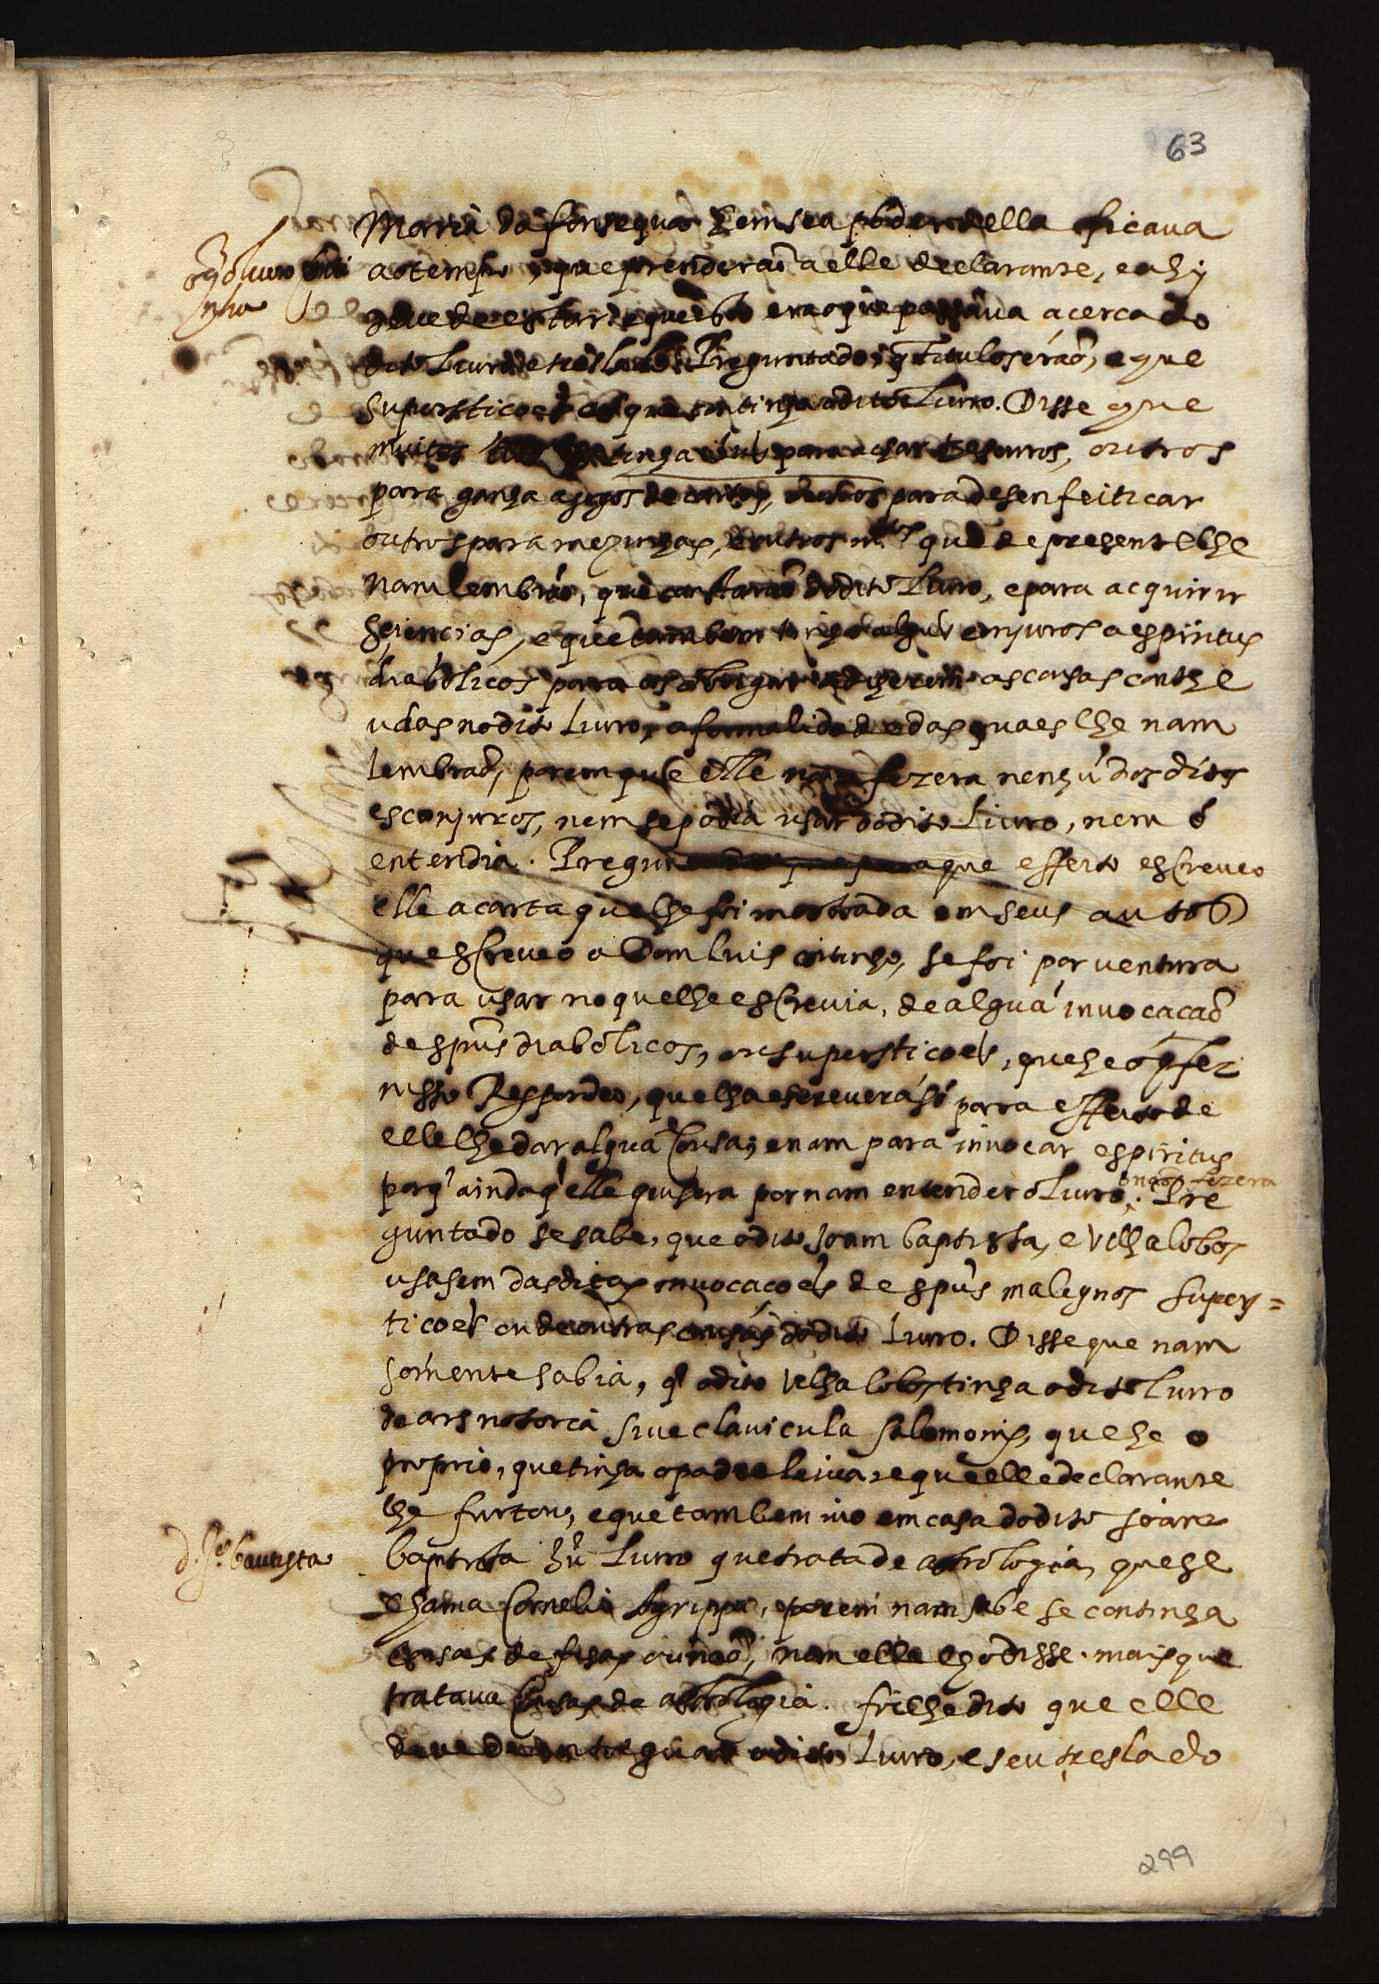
Maria da fonsequa E em seu poder della ficaua
o q̄ o liuro Conti
ao tempo que prenderaõ a elle declarante, e ahy
nha
deue de estar e que isto era o que passaua acerca do
dito Liuro e treslado. Preguntado q̄ titulos eraõ, e que
superstiçoes as que continha o dito Liruo. Disse que
muitos tito_os tinha ribus para achar thesouros, outros
para ganha a jogos de cartas, outros para desenfeitiçar
outros para mezinhas, e outros mtos que de presente lhe
nam lembrão, que constaraõ do dito Liuro, e para acquirir
Sciencias, e que tambem tinha algūs conjuros a espiritus
diabolicos para os obrigar dizerem as cousas conthe
udas no dito Liuro, a formalidade das quaes lhe nam
lembraõ, porem que elle naõ fezera nenhū dos ditos
esconjuros, nem se podia usar do dito Liuro, nem o
entendia. Pregun
que effeito esCreueo
elle a carta que lhe foi mostrada em seus autos
que esCreueo a Dom luis coitinho, se foi por uentura
para usar no que lhe esCreuia, de alguā inuocaçaõ
de spūs diabolicos, ou superstiçoẽs, que he o q̄ fez
nisso Respondeo, que lhe escreuera só para effeito de
elle lhe dar alguā Cousa; e nam para inuocar espiritus
porq̄ ainda q̄ elle quisera por nam entender o Liuro,
o não fezera
Pre
guntado se sabe, que o dito Joam baptista, e vilhalobos
usasem das ditas inuocaçoẽs de spūs malegnos supers
tiçoẽs ou de outras cousas do dito Liuro. Disse que nam
somente sabia, q̄ o dito vilhalobos tinha o dito liuro
de ars notoria siue clauicula salomonis, que he o
proprio, que tinha o padre Leiua, e quē elle declarante
lhe furtou, e que tambem uio em casa do dito Joam
baptista hū Liuro que trata de astrologia, que se
d. J.o bautista
chama Cornelio Agrippa, porem nam sabe se continha
cousas defesas ou naõ, nem elle lho disse. mais que
trataua Cousas de astrologia. foilhe dito que elle
deue de entreguar o dito Liuro, e seu treslado
